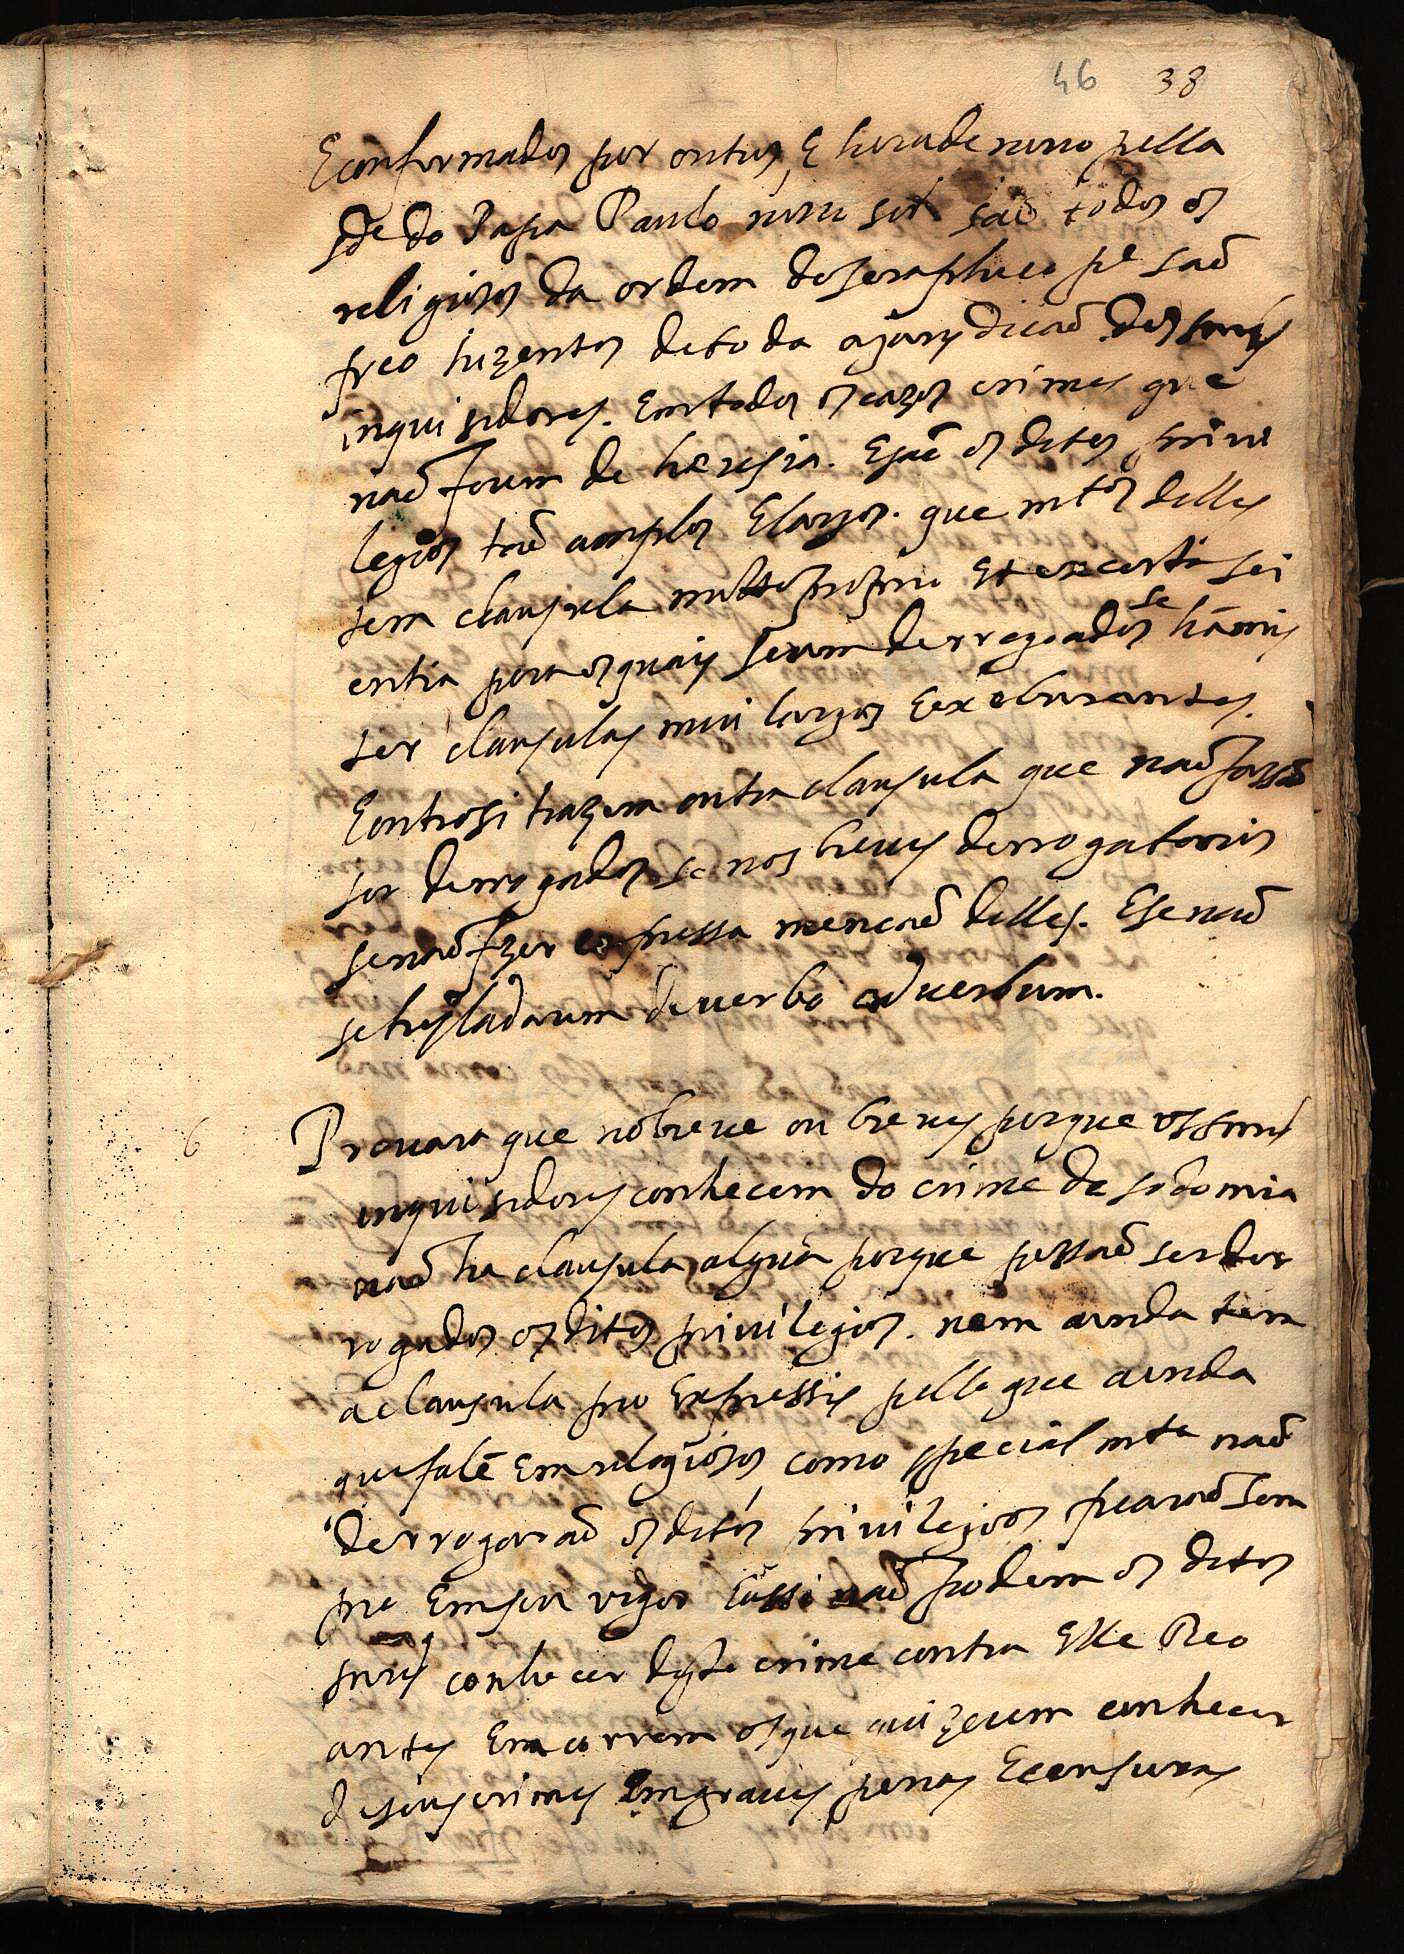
38
E conformados por outros, E hera de nouo pella
jde do Papa Paulo nom ser são todos os
religiozos da ordem de serapluco pe saõ
frco Inzentos de toda a jurisdiçaõ dos snres
inquisidores. Em todos os cazos crimes que
naõ forem de heresia. E saõ os ditos priui
legios taõ amplos E largos. que mtos delles
tem clausula molto proprio E tem certa sci
entia pera os quais seam derrogoados se hā mis
ter clausulas mui largas E exeburantes.
E outrosi trazem outra clausula que naõ faz
ser derrogados se nos liures derrogatorios
se naõ fzer _ pressa mençaõ delles. E se naõ
se tresladarem de uerbo ad uerbum.
Prouara que no breue ou breues porque os snres̄
inquisidores conhecem do crime de sodomia
naõ ha causula alguā porque possaõ ser der
rogados os ditos priuilegios nem ainda tera
a clausula pro Expressis pello que ainda
que falē Em religiozos como specialm.te naõ
derrogaraõ os ditos priuilegios ficaraõ sem
pre Em seu vigor E assi naõ podem os ditos
snres̄ conhecer deste crime contra Elle Reo
antes Emcorrem os que quizerem conhecer
de seus crimes Em graues penas E censuras
